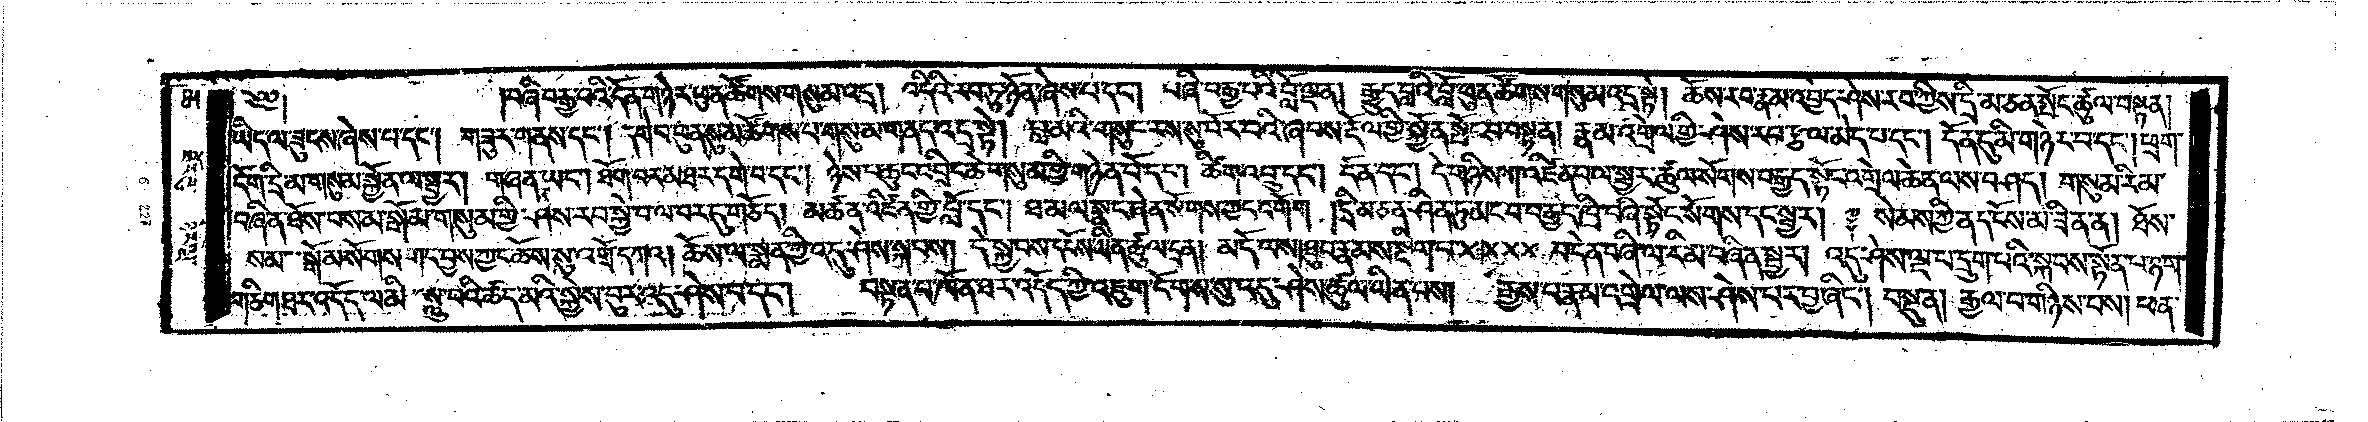༄༅། །བཞི་བརྒྱ་བའི་དོན་གཉེར་ཕུན་ཚོགས་གསུམ་འདྲ། འདིའི་རབ་ཏུ་ཉོན་ཞེས་པ་དང་། བཞི་བརྒྱ་པའི་བློ་ལྡན། རྒྱུད་བླའི་བློ་ཕུན་ཚོགས་གསུམ་འདྲ་སྟེ། ཆོས་རབ་རྣམ་འབྱེད་ཤེས་རབ་ཀྱིས་དྲི་མ་ཅན་སྤོང་ཚུལ་བསྟན།
ཡིད་ལ་ཟུངས་ཞེས་པ་དང་། གཟུར་གནས་དང་། དགེ་བ་ཕུན་སུམ་ཚོགས་པ་གསུམ་གནད་འདྲ་སྟེ། བླ་མའི་གསུང་རས་སུ་བོར་བའི་ཞབས་རྡོལ་གྱི་སྐྱོན་སྤོང་བ་བསྟན། རྣམ་འགྲེལ་གྱི་ཤེས་རབ་མཚན་འཛིན་གྱི་བློ་དང་། ཐ་མལ་སྣང་ཞེན་སོགས་ཀྱང་འགོག་གསུམ་སྐྱོན་ལ་སྦྱར། གཞན་ཡང་། ཐོག་པར་མཐར་དགེ་བ་དང་། ཉེས་པ་ཆུང་འབྲིང་ཆེ་གསུམ་གྱི་གཉེན་བོ་དང་། ཚིག་འབྲུ་དང་། དོན་དང་། དེ་གཉིས་ཀ་འཛིན་པ་ལ་སྦྱར་ཚུལ་སོགས་བརྒྱད་སྟོང་འགྲེལ་ཆེན་ལས་བཤད། གསུམ་རིམ་
བཞིན་ཐོས་བསམ་སྒོམ་གསུམ་གྱི་ཤས་རབ་སྐྱེ་བ་ལ་བར་དུ་གཅོད། མཚན་འཛིན་གྱི་བློ་དང་། ཐ་མལ་སྣང་ཞེན་སོགས་ཀྱང་འགོག །དྲི་མ་ཅན་ཤིན་ཏུ་མང་བ་བརྒྱད་ཁྲི་བཞི་སྟོང་སོགས་དང་སྦྱར། ༈ སེམས་ཀྱི་ན་དངོས་མ་ཟིན་ན། ཐོས་
སམ་སྒོམ་སོགས་གང་བྱས་ཀྱང་ཆོས་སུ་འགྲོ་དཀའ། ཆོས་ལ་སྨན་གྱི་འདུ་ཤེས་སྐབས། དེ་སྐྱབས་དངོས་ཡིན་ཚུལ་དྲན། མདོ་ལས། ཐུབ་རྣམས་སྡིག་པ་྾྾྾་བདེན་བཞི་ལ་རིམ་བཞིན་སྦྱར། འདུ་ཤེས་ལྔ་པ་དྲུག་པའི་སྐབས་སྟོན་བ་ཉག་
གཅིག་ཐར་འདོད་ལ་མི་སླུ་བའི་ཚད་མའི་སྐྱེས་བུར་འདུ་ཤེས་བ་དང་། བསྟན་པ་ཁོན་ཐར་འདོད་ཀྱི་འཇུག་ངོགས་སུ་འདུ་ཤེས་ཚུལ་ཡིན་པས། རྒྱས་བ་རྣམ་འགྲེལ་ལས་ཤེས་པར་བྱ་ཞིང་། བསྡུ་ན། རྒྱལ་བ་གཉིས་པས། ཕན་